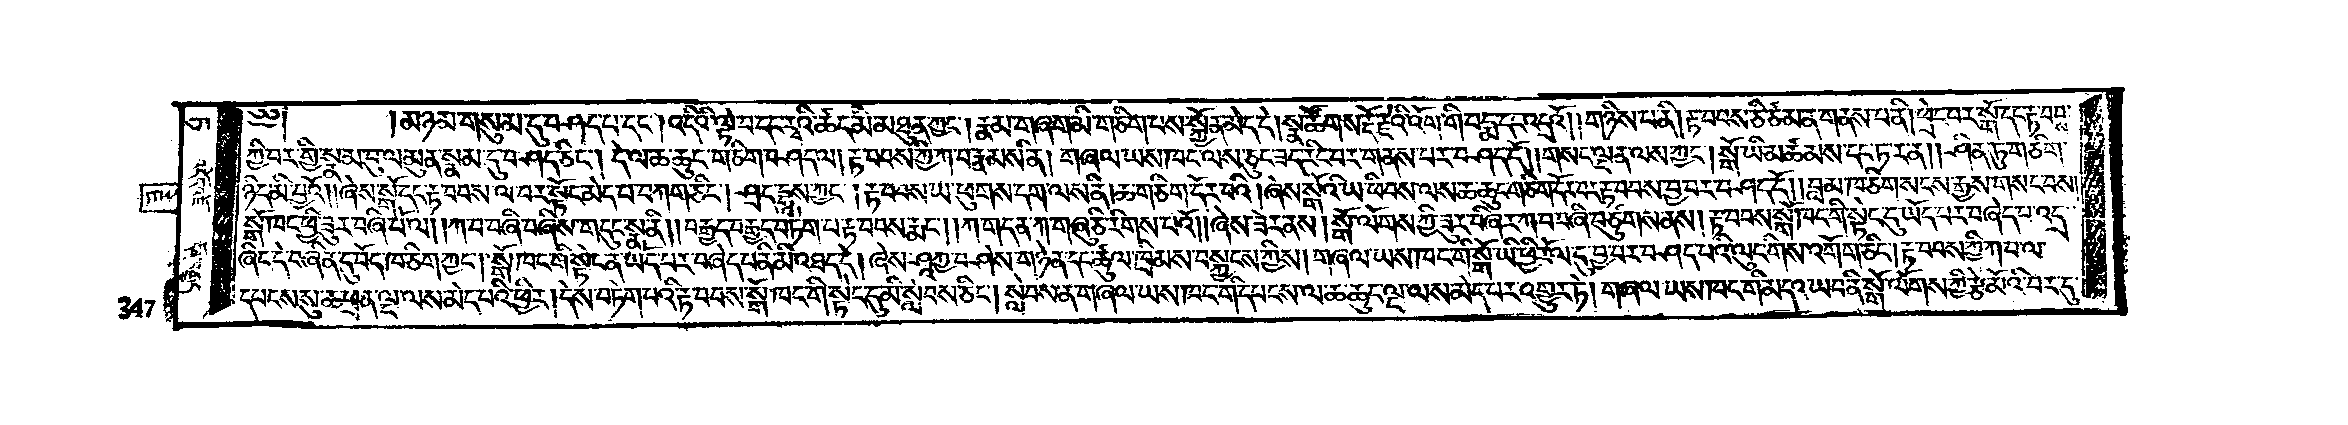༄༅། །མཉམ་གསུམ་དུ་བཤད་པ་དང་། འདིའི་ལྟེ་བ་དང་རྭའི་ཚད་མི་མཐུན་ཀྱང་། རྣམ་གཞག་མི་གཅིག་པས་སྐྱོན་མེད་དེ། སྣ་ཚོགས་རྡོ་རྗེའི་འོག་གི་པདམ་དང་འདྲའོ། །གཉིས་པ་ནི། རྟ་བབས་ཅི་ཙམ་ན་གནས་པ་ནི། ཕྲེང་བར་སྒོ་དང་རྟ་བབས་
ཀྱི་བར་གྱི་སྣམ་བུ་ལ་མུན་སྣམ་དུ་བཤད་ཅིང་། དེ་ལ་ཆ་ཆུང་གཅིག་བཤད་ལ། རྟ་བབས་ཀྱི་ཀ་བ་རྣམས་ནི། གཞལ་ཡས་ཁང་ལས་ཅུང་ཟད་རིང་བར་གནས་པར་བཤད་དོ། །གསང་ལྡན་ལས་ཀྱང་། སྒོ་ཡི་མཚམས་དང་ཏ་ར་ན། །ཤིན་ཏུ་གཅིག་
ཉིད་མི་བྱའོ། །ཞེས་སྒོ་དང་རྟ་བབས་ལ་བར་སྟོང་མེད་པ་བཀག་ཅིང་། ཤྲད་དྷཱས་ཀྱང་། རྟ་བབས་ཡ་ཕུགས་དག་ལས་ནི། ཆ་གཅིག་དོར་བའི། ཞེས་སྒོའི་ཡ་ཕིབས་ལས་ཆ་ཆུང་གཅིག་དོར་བར་རྟ་བབས་བྱ་བར་བཤད་དོ། །བླ་མ་ཁ་ཅིག་སངས་རྒྱས་གསང་བས།
སྒོ་ཁང་ཕྱི་ཟུར་བཞི་པོ་ལ། །ཀ་བ་བཞི་བཞིས་གདུང་སྣ་ནི། །བརྒྱད་བརྒྱད་བཏེག་པ་རྟ་བབས་རྨང་། །ཀ་གདན་ཀ་གཞུ་ཅི་རིགས་པའོ། །ཞེས་ཟེར་ནས། སྒོ་ལོགས་ཀྱི་ཟུར་བཞིར་ཀ་བ་བཞི་བཙུགས་ནས། རྟ་བབས་སྒོ་ཁང་གི་སྟེང་དུ་ཡོད་པར་བཞེད་པ་འདྲ་
ཞིང་དེ་བཞིན་དུ་པོད་ཁ་ཅིག་ཀྱང་། སྒོ་ཁང་གི་སྟེང་ན་ཡོད་པར་བཞེད་པ་ནི་མི་འཐད་དེ། ཞེས་ཤཱཀྱ་བཤེས་གཉེན་དང་ཚུལ་ཁྲིམས་བསྐྱངས་ཀྱིས། གཞལ་ཡས་ཁང་གི་སྒོ་ཡི་ཕྱི་རོལ་དུ་བྱ་བར་བཤད་པའི་ལུང་གིས་འགོག་ཅིང་། རྟ་བབས་ཀྱི་ཀ་བ་ལ་
དཔངས་སུ་ཆ་ཕྲན་ལྔ་ལས་མེད་པའི་ཕྱིར། དེས་བཏེག་པའི་རྟ་བབས་སྒོ་ཁང་གི་སྟེང་དུ་མི་སླེབས་ཅིང་། སླེབས་ན་གཞལ་ཡས་ཁང་གི་དཔངས་ལ་ཆ་ཆུང་ལྔ་ལས་མེད་པར་འགྱུར་ཏེ། གཞལ་ཡས་ཁང་གི་མདའ་ཡབ་ནི་སྒོ་ལོགས་ཀྱི་རྩེ་མོའི་བར་དུ་